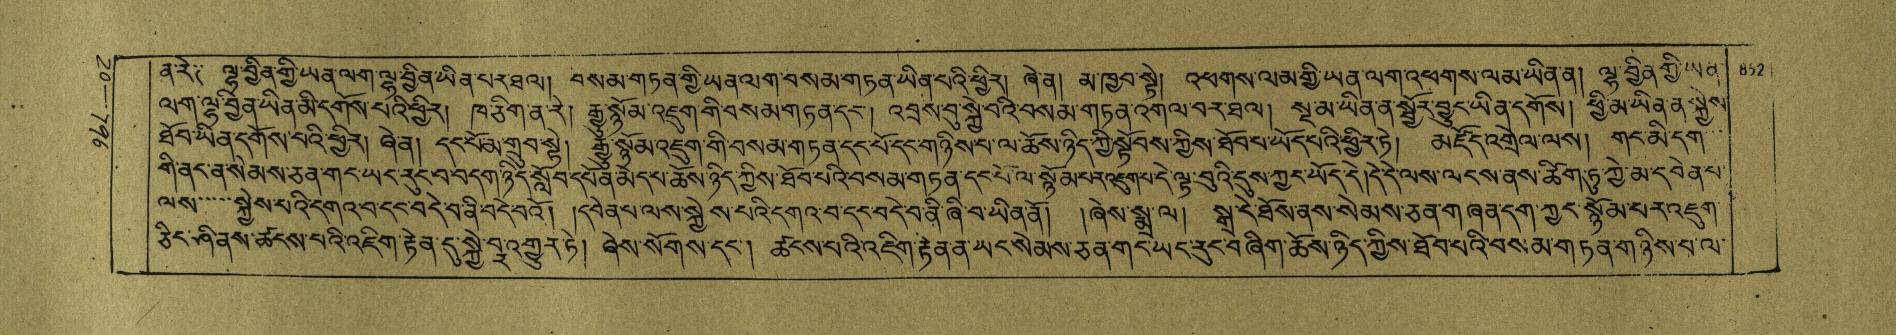ན་རེ༑ ལྷ་བྱིན་གྱི་ཡན་ལག་ལྷ་བྱིན་ཡིན་པར་ཐལ། བསམ་གཏན་གྱི་ཡན་ལག་བསམ་གཏན་ཡིན་པའི་ཕྱིར། ཞེ་ན། མ་ཁྱབ་སྟེ། འཕགས་ལམ་གྱི་ཡན་ལག་འཕགས་ལམ་ཡིན་ན། ལྷ་བྱིན་གྱི་ཡན་
ལག་ལྷ་བྱིན་ཡིན་མི་དགོས་པའི་ཕྱིར། ཁ་ཅིག་ན་རེ། རྒྱུ་སྙོམ་འཇུག་གི་བསམ་གཏན་དང་། འབྲས་བུ་སྐྱེ་བའི་བསམ་གཏན་འགལ་བར་ཐལ། སྔ་མ་ཡིན་ན་སྦྱོར་བྱུང་ཡིན་དགོས། ཕྱི་མ་ཡིན་ན་སྐྱེས་
ཐོབ་ཡིན་དགོས་པའི་ཕྱིར། ཞེ་ན། དང་པོ་མ་གྲུབ་སྟེ། རྒྱུ་སྙོམ་འཇུག་གི་བསམ་གཏན་དང་པོ་དང་གཉིས་པ་ལ་ཆོས་ཉིད་ཀྱི་སྟོབས་ཀྱིས་ཐོབ་པ་ཡོད་པའི་ཕྱིར་ཏེ། མཛོད་འགྲེལ་ལས། གང་མི་དག་
གི་ནང་ན་སེམས་ཅན་གང་ཡང་རུང་བ་བདག་ཉིད་སློབ་དཔོན་མེད་པ་ཆོས་ཉིད་ཀྱིས་ཐོབ་པའི་བསམ་གཏན་དང་པོ་ལ་སྙོམ་པར་འཇུག་པ་དེ་ལྟ་བུའི་དུས་ཀྱང་ཡོད་དེ་།དེ་དེ་ལས་ལངས་ནས་ཚིག་ཏུ་ཀྱེ་ན་དབེན་པ་
ལས་སྐྱེས་པའི་དགའ་བ་དང་བདེ་བ་ནི་བདེ་བའོ། །དབེན་པ་ལས་སྐྱེས་པའི་དགའ་བ་དང་བདེ་བ་ནི་ཞི་བ་ཡིན་ནོ། །ཞེས་སྨྲ་ལ། སྒྲ་དེ་ཐོས་ནས་སེམས་ཅན་གཞན་དག་ཀྱང་སྙོམ་པར་འཇུག་
ཅིང་ཤི་ནས་ཚངས་པའི་འཇིག་རྟེན་དུ་སྐྱེ་བར་འགྱུར་ཏེ། ཞེས་སོགས་དང་། ཚངས་པའི་འཇིག་རྟེན་ན་ཡང་སེམས་ཅན་གང་ཡང་རུང་བཞིག་ཆོས་ཉིད་ཀྱིས་ཐོབ་པའི་བསམ་གཏན་གཉིས་པ་ལ་